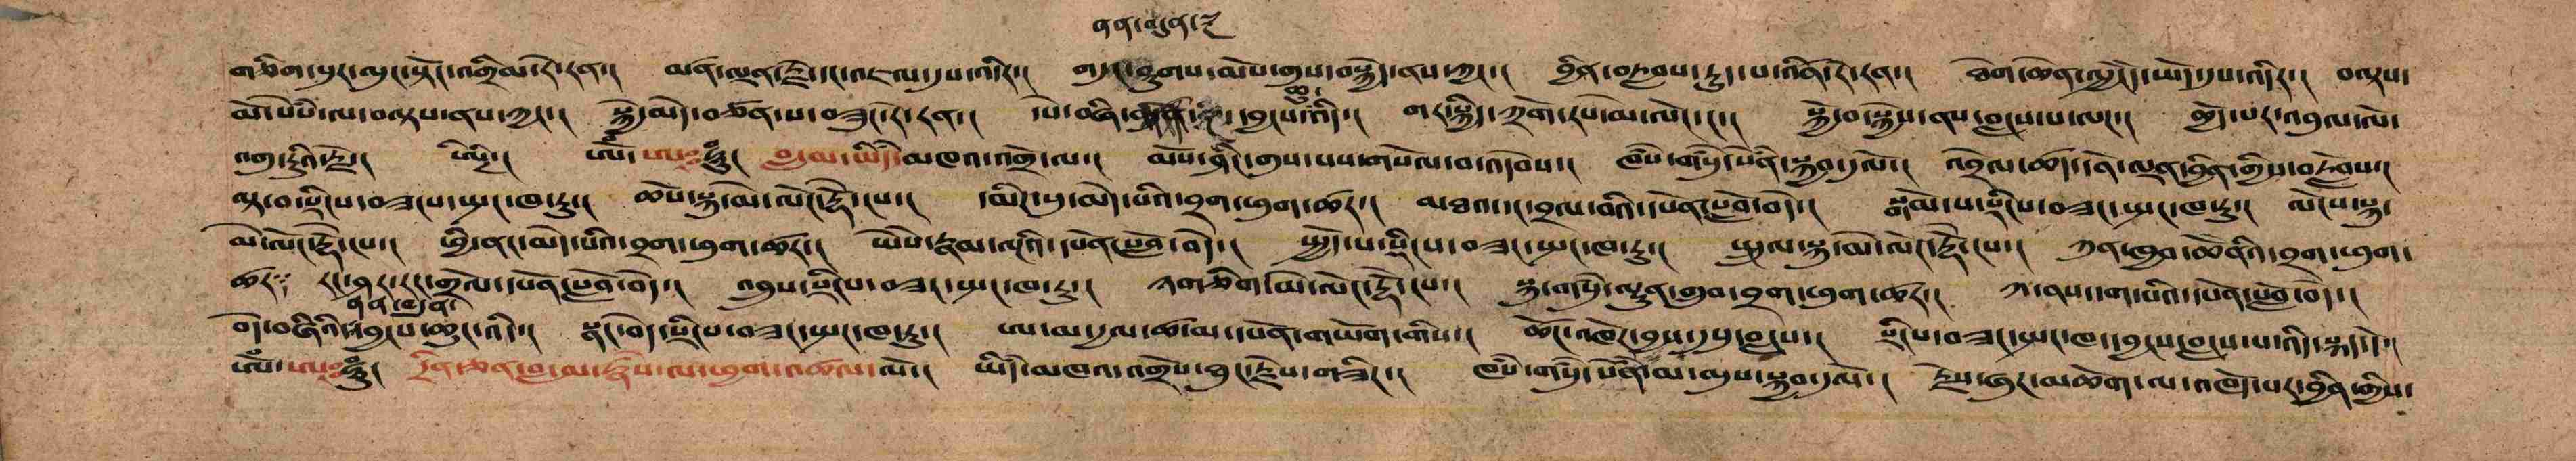གཅིག་པུར་ལུང་སྟོང་འགྲིམ་རེ་རན། མཚན་ལྡན་རྗེ་དང་འཇལ་དུས་འདིར། གདུང་ཤུགས་མོས་གུས་བསྐྱེད་ནས་ཀྱང་། བྱིན་བརླབས་དྱུད་པ་འཛིན་རེ་རན། ཐེག་ཆེན་ལོང་སྤྱོད་ཡོད་དུས་འདིར། བལྟས་
མོ་སེམས་ལ་བལྟས་ནས་ཀྱང་། སྐྱེ་མེད་བཙན་ས་བཟུང་རེ་རན། དཔེ་བཞི་ནན་བདུན་དབྱངས་ཆུ་འདི། གར་སྐྱིད་ཀྲོག་རས་མེ་ལོང་ང་། སྐྱོ་བ་སྐྱེས་་ནས་བླངས་པ་ལགས། ཆོགས་པར་འབུལ་ལོ་
འགུ་རུའི་རྗེ། ཨིཊི། ཨོཾ་ཨཿཧཱུཾ། བླ་མ་ཡིད་དམ་མཁའ་འགྲོ་ལ། མོས་ཤིང་གུས་པས་གསོལ་བ་འདེབས། ཁམས་གསུམ་སེམས་ཅན་སྐྱབ་དུ་གསོལ། འབྲེལ་ཚད་དོན་ལྡན་བྱིན་གྱིས་བརློབས། 
ལྟ་བ་སྡིངས་བཟངས་སྤང་ཁ་རུ། ཆོས་སྐུ་མེ་ལོང་རྡོ་རྗེ་ངས། དམིགས་སུ་མེད་པའི་བྲག་ཕུག་ཚར། མཐའ་དང་བྲལ་བའི་དཔོན་སློབ་བདེ། སྒོམ་པ་སྡིངས་བཟང་སྤང་ཁ་རུ། ལོངས་སྐུ་
མེ་ལོང་རྡོ་རྗེ་ངས། ཕྱི་ནང་མེད་པའི་བྲག་ཕུག་ཚར། ཡེ་ཤེས་རྣམ་ལྔའི་དཔོན་སློབ་བདེ། སྤྱོད་པ་སྡིངས་བཟང་སྤང་ཁ་རུ། སྤྲུལ་སྐུ་མེ་ལོང་རྡོ་རྗེ་ངས། ཀུན་ཁྱབ་ཆེན་པོའི་བྲག་ཕུག་
ཚར༑ རང་ཤར་རང་གྲོལ་དཔན་སློབ་བདེ། འབྲས་བུས་སྡིངས་བཟང་སྤང་ཁ་རུ། ཉག་གཅིག་མེ་ལོང་རྡོ་རྗེ་ངས། སྐུ་གསུམ་ལྷུན་གྲུབ་བྲག་ཕུག་ཚར། ཀ་ནས་དག་པའི་དཔོན་སློབ་བདེ། 
བདེ་བཞིའི་ནན་བདུན་དབྱངས་ཆུང་འདི། སྣང་བདེ་སྡིངས་བཟང་སྤང་ཁ་རུ། ཨ་མ་རྒྱལ་ཚ་ལ་དཔོན་གཡོག་གིས། ཚོགས་འཁོར་བྱས་དུས་སུ་བླངས། སྡིངས་བཟང་སྤང་ཁ་དབྱངས་བླངས་པ་འདི་སྐད་དོ། 
ཨོཾ་ཨཿཧཱུཾ། དྲིན་ཆེན་བླ་མ་རྣམས་ལ་ཕྱག་འཚལ་ལོ། ཡིད་དམ་མཁའ་འགྲོས་ཐུགས་རྗེས་གཟིགས། ཁམས་གསུམ་སེམས་ཅན་མ་ལུས་སྐྱབ་དུ་གསོལ། རྗེས་ཞུགས་མཆོག་ལ་འཁོད་པར་བྱིན་གྱིས་